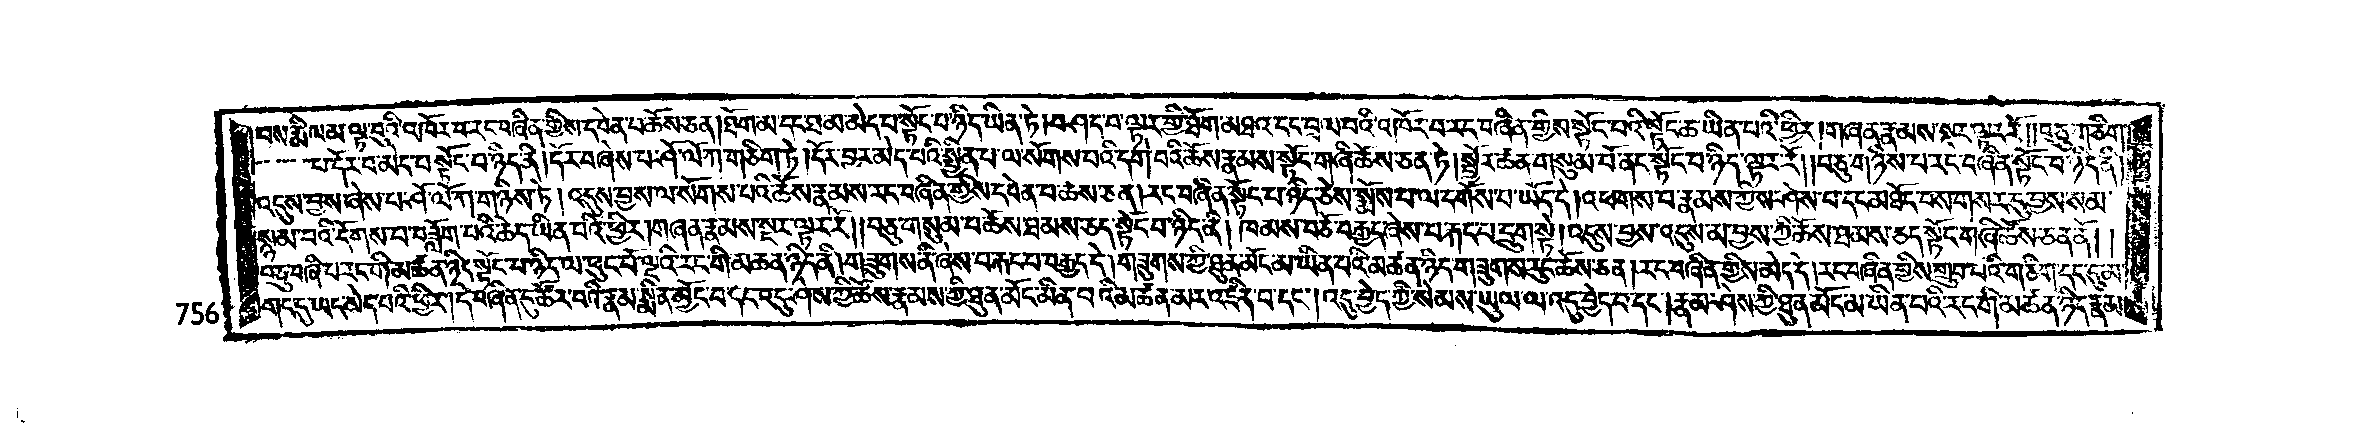བས་རྨི་ལམ་ལྟ་བུའི་འཁོར་བ་རང་བཞིན་གྱིས་དབེན་པ་ཆོས་ཅན། ཐོག་མ་དང་ཐ་མ་མེད་པ་སྟོང་པ་ཉིད་ཡིན་ཏེ། བཤད་པ་ལྟར་གྱི་ཐོག་མཐའ་དང་བྲལ་བའི་འཁོར་བ་རང་བཞིན་གྱིས་སྟོང་པའི་སྟོང་ཆ་ཡིན་པའི་ཕྱིར། གཞན་རྣམས་སྔར་ལྟར་རོ། །བཅུ་གཅིག་
པ་དོར་བ་མེད་པ་སྟོང་པ་ཉིད་ནི། དོར་བཞེས་པ་ཤོ་ལོ་ཀ་གཅིག་ཏེ། དོར་བྱར་མེད་པའི་སྦྱིན་པ་ལ་སོགས་པའི་དགེ་བའི་ཆོས་རྣམས་སྟོང་གཞི་ཆོས་ཅན་ཏེ། སྦྱོར་ཚན་གསུམ་པོ་ནང་སྟོང་པ་ཉིད་ལྟར་རོ། །བཅུ་གཉིས་པ་རང་བཞིན་སྟོང་པ་ཉིད་ནི།
འདུས་བྱས་ཞེས་པ་ཤོ་ལོ་ཀ་གཉིས་ཏེ། འདུས་བྱས་ལ་སོགས་པའི་ཆོས་རྣམས་རང་བཞིན་གྱིས་དབེན་པ་ཆོས་ཅན། རང་བཞིན་སྟོང་པ་ཉིད་ཅེས་སྨོས་པ་ལ་དགོས་པ་ཡོད་དེ། འཕགས་པ་རྣམས་ཀྱིས་ཤེས་པ་དང་མཐོང་བས་གསར་དུ་བྱས་སམ་
སྙམ་པའི་དོགས་པ་བཟློག་པའི་ཆེད་ཡིན་པའི་ཕྱིར། གཞན་རྣམས་སྔར་ལྟར་རོ། །བཅུ་གསུམ་པ་ཆོས་ཐམས་ཅད་སྟོང་པ་ཉིད་ནི། ཁམས་བཅོ་བརྒྱད་ཞེས་པ་རྐང་པ་དྲུག་སྟེ། འདུས་བྱས་འདུས་མ་བྱས་ཀྱི་ཆོས་ཐམས་ཅད་སྟོང་གཞི་ཆོས་ཅན་ནོ། །
བཅུ་བཞི་པ་རང་གི་མཚན་ཉིད་སྟོང་པ་ཉིད་ལ་ཕུང་པོ་ལྔའི་རང་གི་མཚན་ཉིད་ནི། གཟུགས་ནི་ཞེས་པ་རྐང་པ་བརྒྱད་དེ། གཟུགས་ཀྱི་ཐུན་མོང་མ་ཡིན་པའི་མཚན་ཉིད་གཟུགས་རུང་ཆོས་ཅན། རང་བཞིན་གྱིས་མེད་དེ། རང་བཞིན་གྱིས་གྲུབ་པའི་གཅིག་དང་དུ་མ་
གང་དུ་ཡང་མེད་པའི་ཕྱིར། དེ་བཞིན་དུ་ཚོར་བའི་རྣམ་སྨིན་མྱོང་བ་དང་འདུ་ཤེས་ཀྱི་ཆོས་རྣམས་ཀྱི་ཐུན་མོང་མིན་པའི་མཚན་མར་འཛིན་པ་དང་། འདུ་བྱེད་ཀྱི་སེམས་ཡུལ་ལ་འདུ་བྱེད་བ་དང་། རྣམ་ཤེས་ཀྱི་ཐུན་མོང་མ་ཡིན་པའི་རང་གི་མཚན་ཉིད་རྣམ་